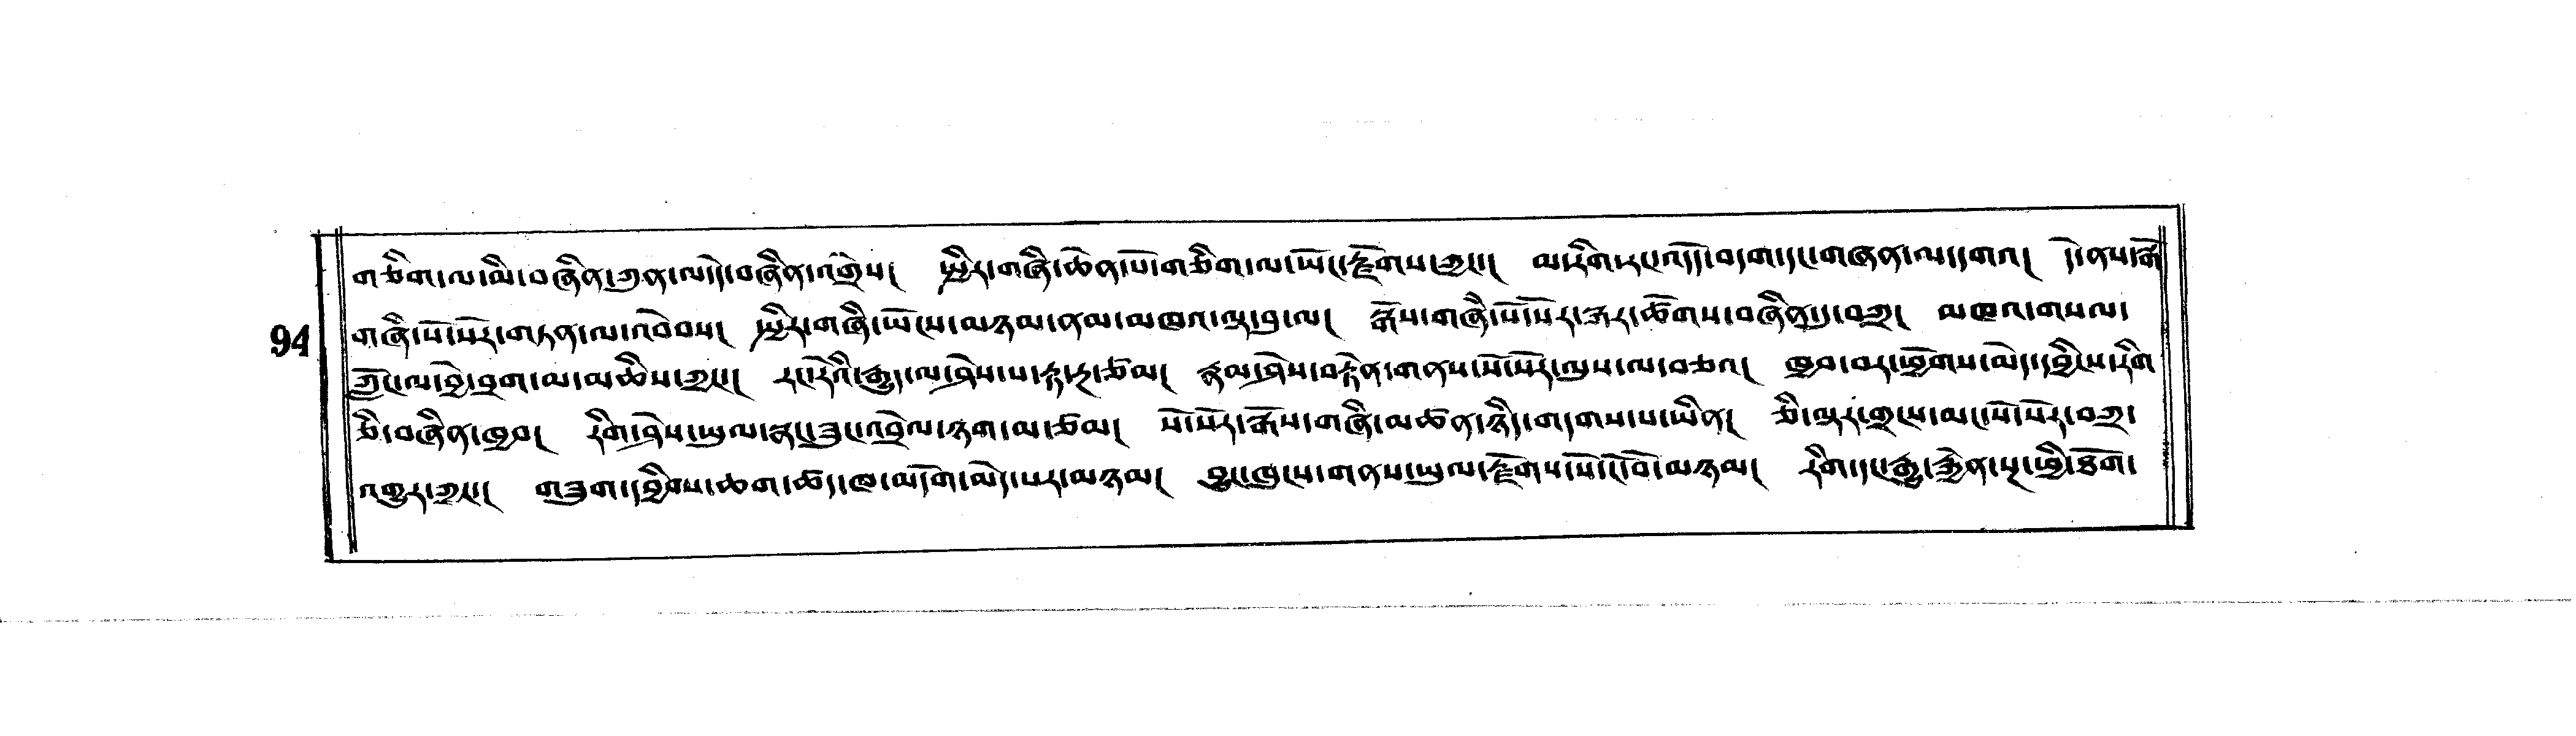གཅིག་ལ་མི་བཞིན་ཀུན་ལ་དེ་བཞིན་འགྲེས། སྤྱིར་གཞི་ཆེན་པོ་གཅིག་ལ་ཡོངས་རྫོགས་ཀྱང་། མ་རིག་རང་འདོད་བདག་དང་གཞན་ལ་དགའ། དེ་ནས་སྒོམ་
གཞི་སོ་སོར་གཏན་ལ་འབེབས། སྤྱིར་གཞི་ཡོངས་མཉམ་ནམ་མཁའ་ལྟ་བུ་ལ། སྒོས་གཞི་སོ་སོར་སྐར་ཚོགས་བཞིན་དུ་བཀྲ། མཁའ་གསལ་
ཀློང་ལ་བྱེ་བྲག་མཆིས་ཀྱང་། རང་རེའི་རྒྱུད་ལ་ཤེས་པ་རྟ་རྔ་ཙམ། རྣམ་ཤེས་རྟེན་གནས་སོ་སོར་ལུས་ལ་བཅའ། ཁྱབ་པར་ཕྱོགས་མེད་དབྱིངས་རིག་
ཅི་བཞིན་ཁྱབ། རིག་ཤེས་ཡུལ་སྣང་ཟུང་འབྲེལ་ཉག་མ་ཙམ། སོ་སོར་སྒོས་གཞི་མཚན་ཉིད་གདགས་པ་ཡིན། ཅི་ལྟར་གྲངས་མང་སོ་སོར་བཀྲ་
འགྱུར་ཀྱང་། གཟུགས་དབྱིབས་ཆག་ཚད་ཁ་དོག་མེད་པར་མཉམ། བྱུང་ཁུངས་གནས་ཡུལ་རྫོགས་སོ་ངོ་བོ་མཉམ། རིགས་དང་རྒྱུ་རྐྱེན་སྔ་ཕྱི་ཐོག་